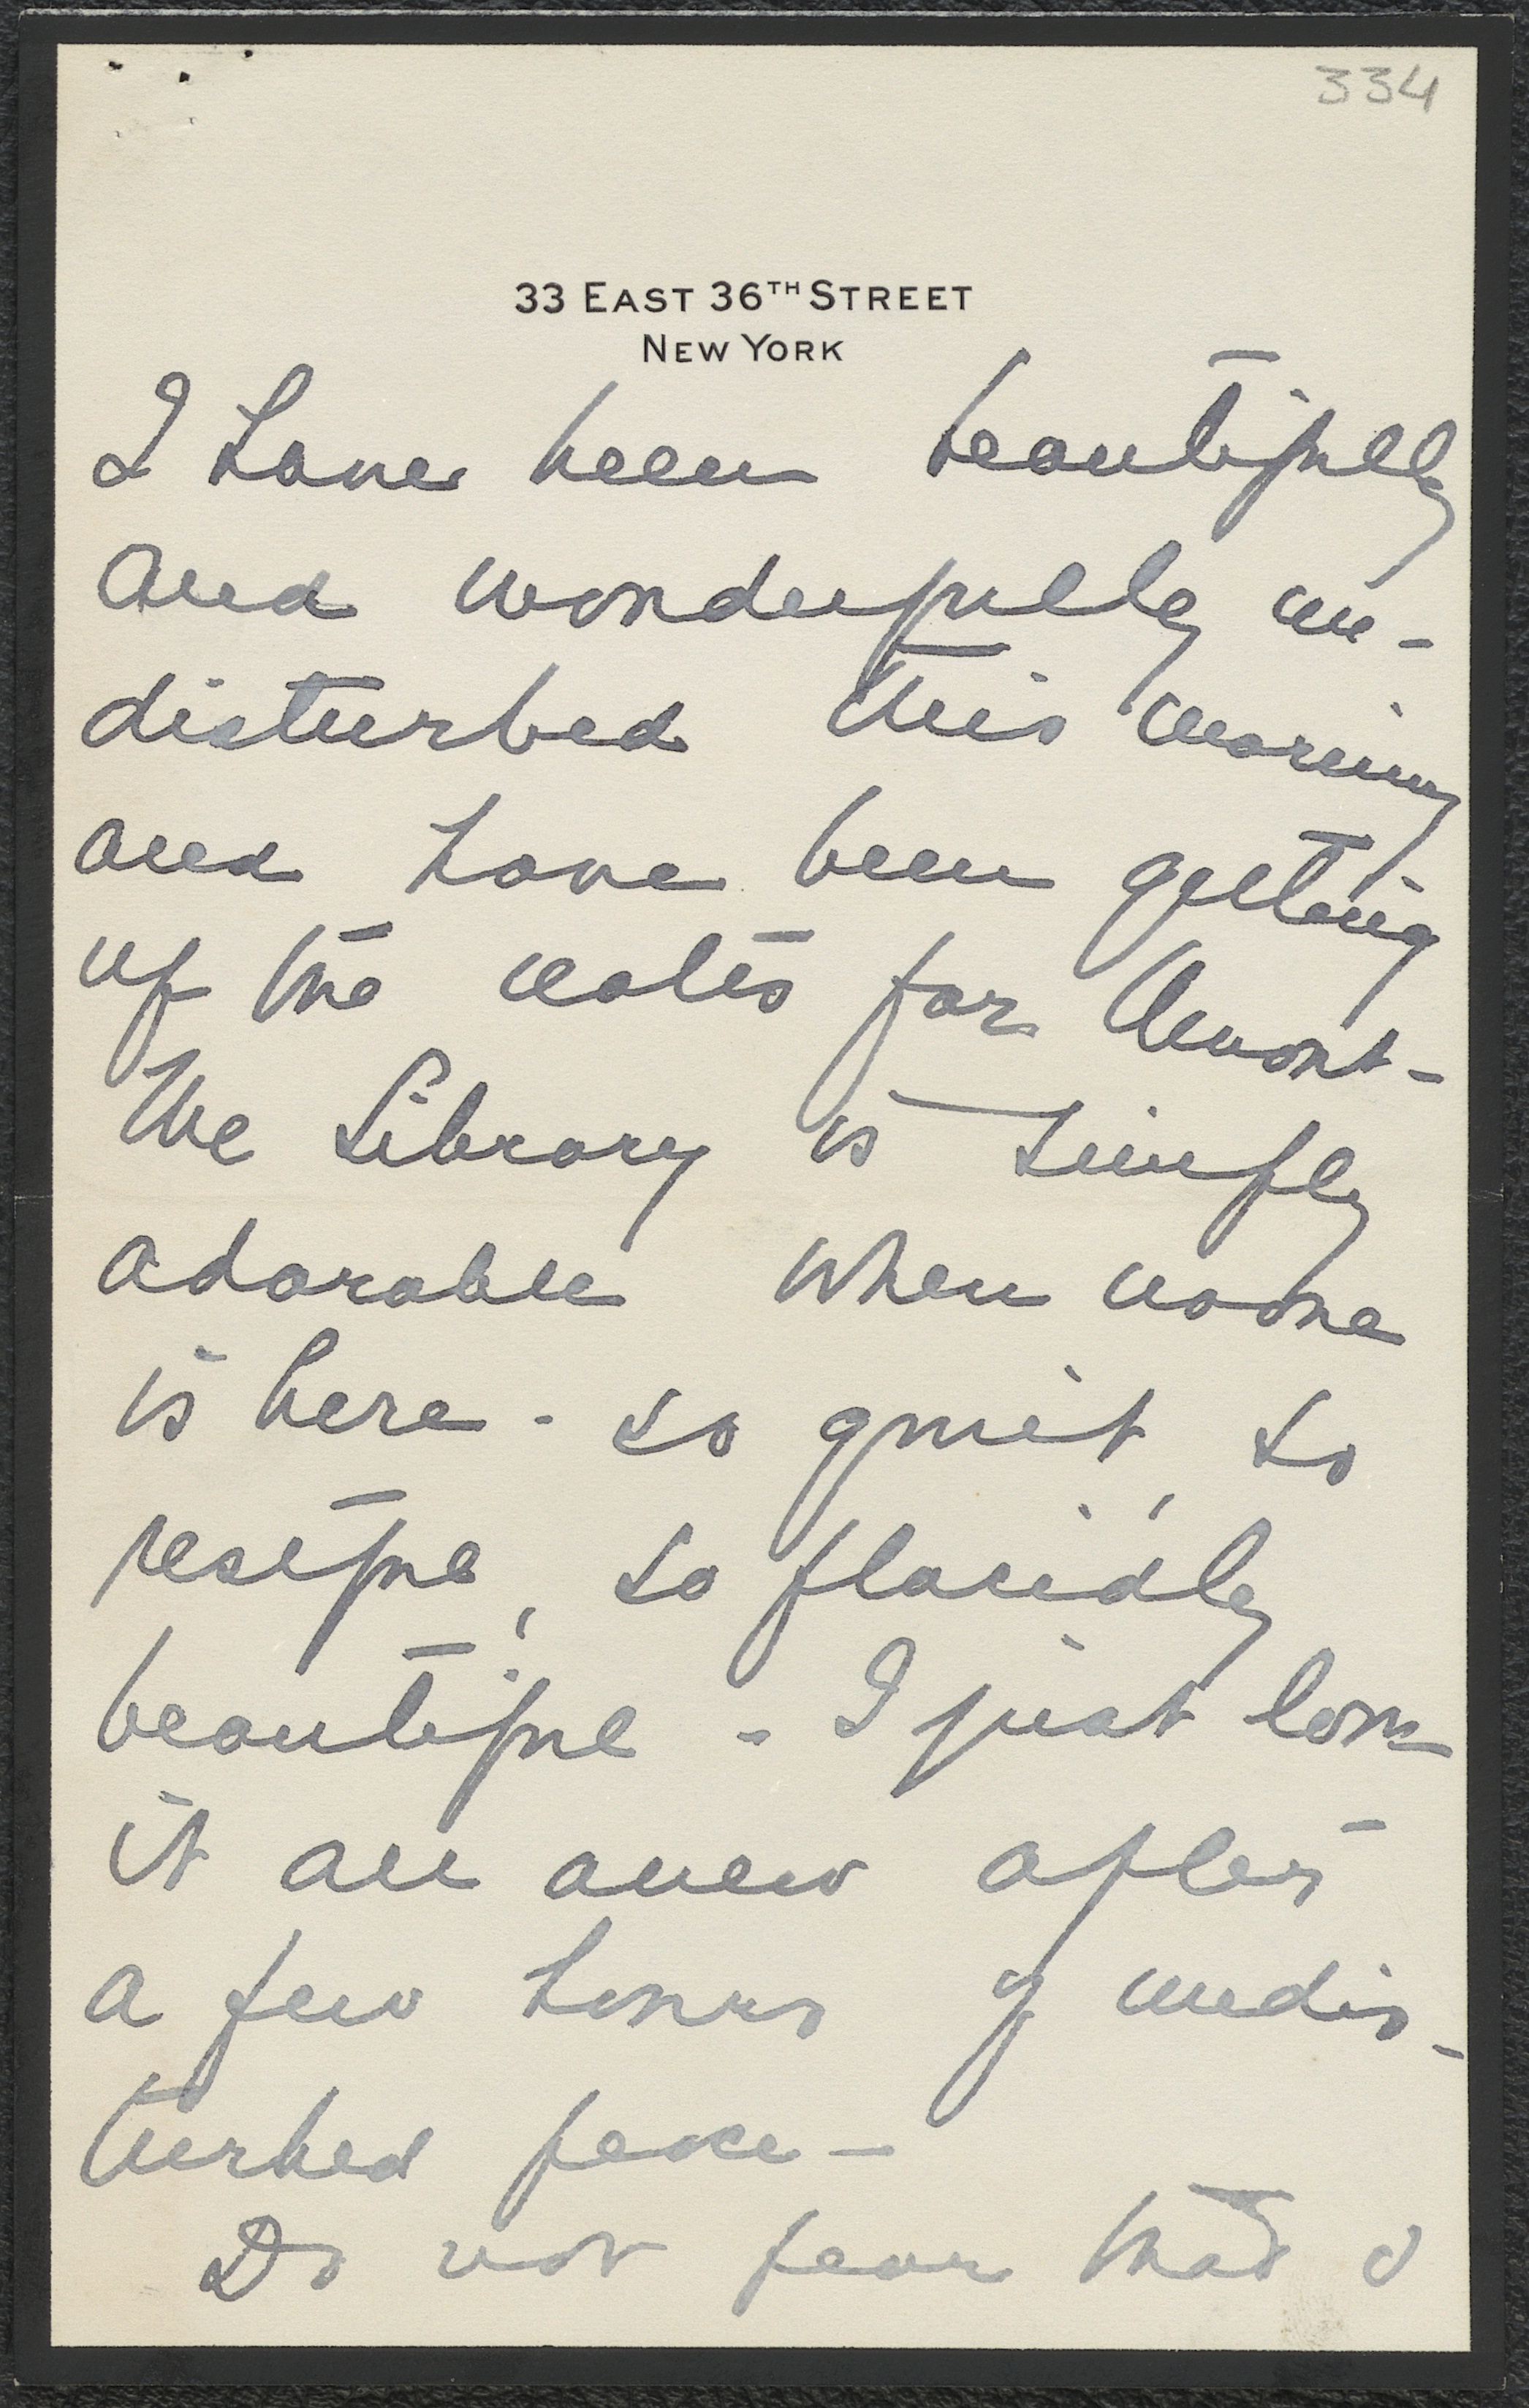I have been beautifully and wonderfully undisturbed this morning and have been getting up the notes for Omont –
The Library is simply adorable when noone is here – so quiet, so restful, so placidly beautiful – I just love it all anew after a few hours of undisturbed peace –
Do not fear that I